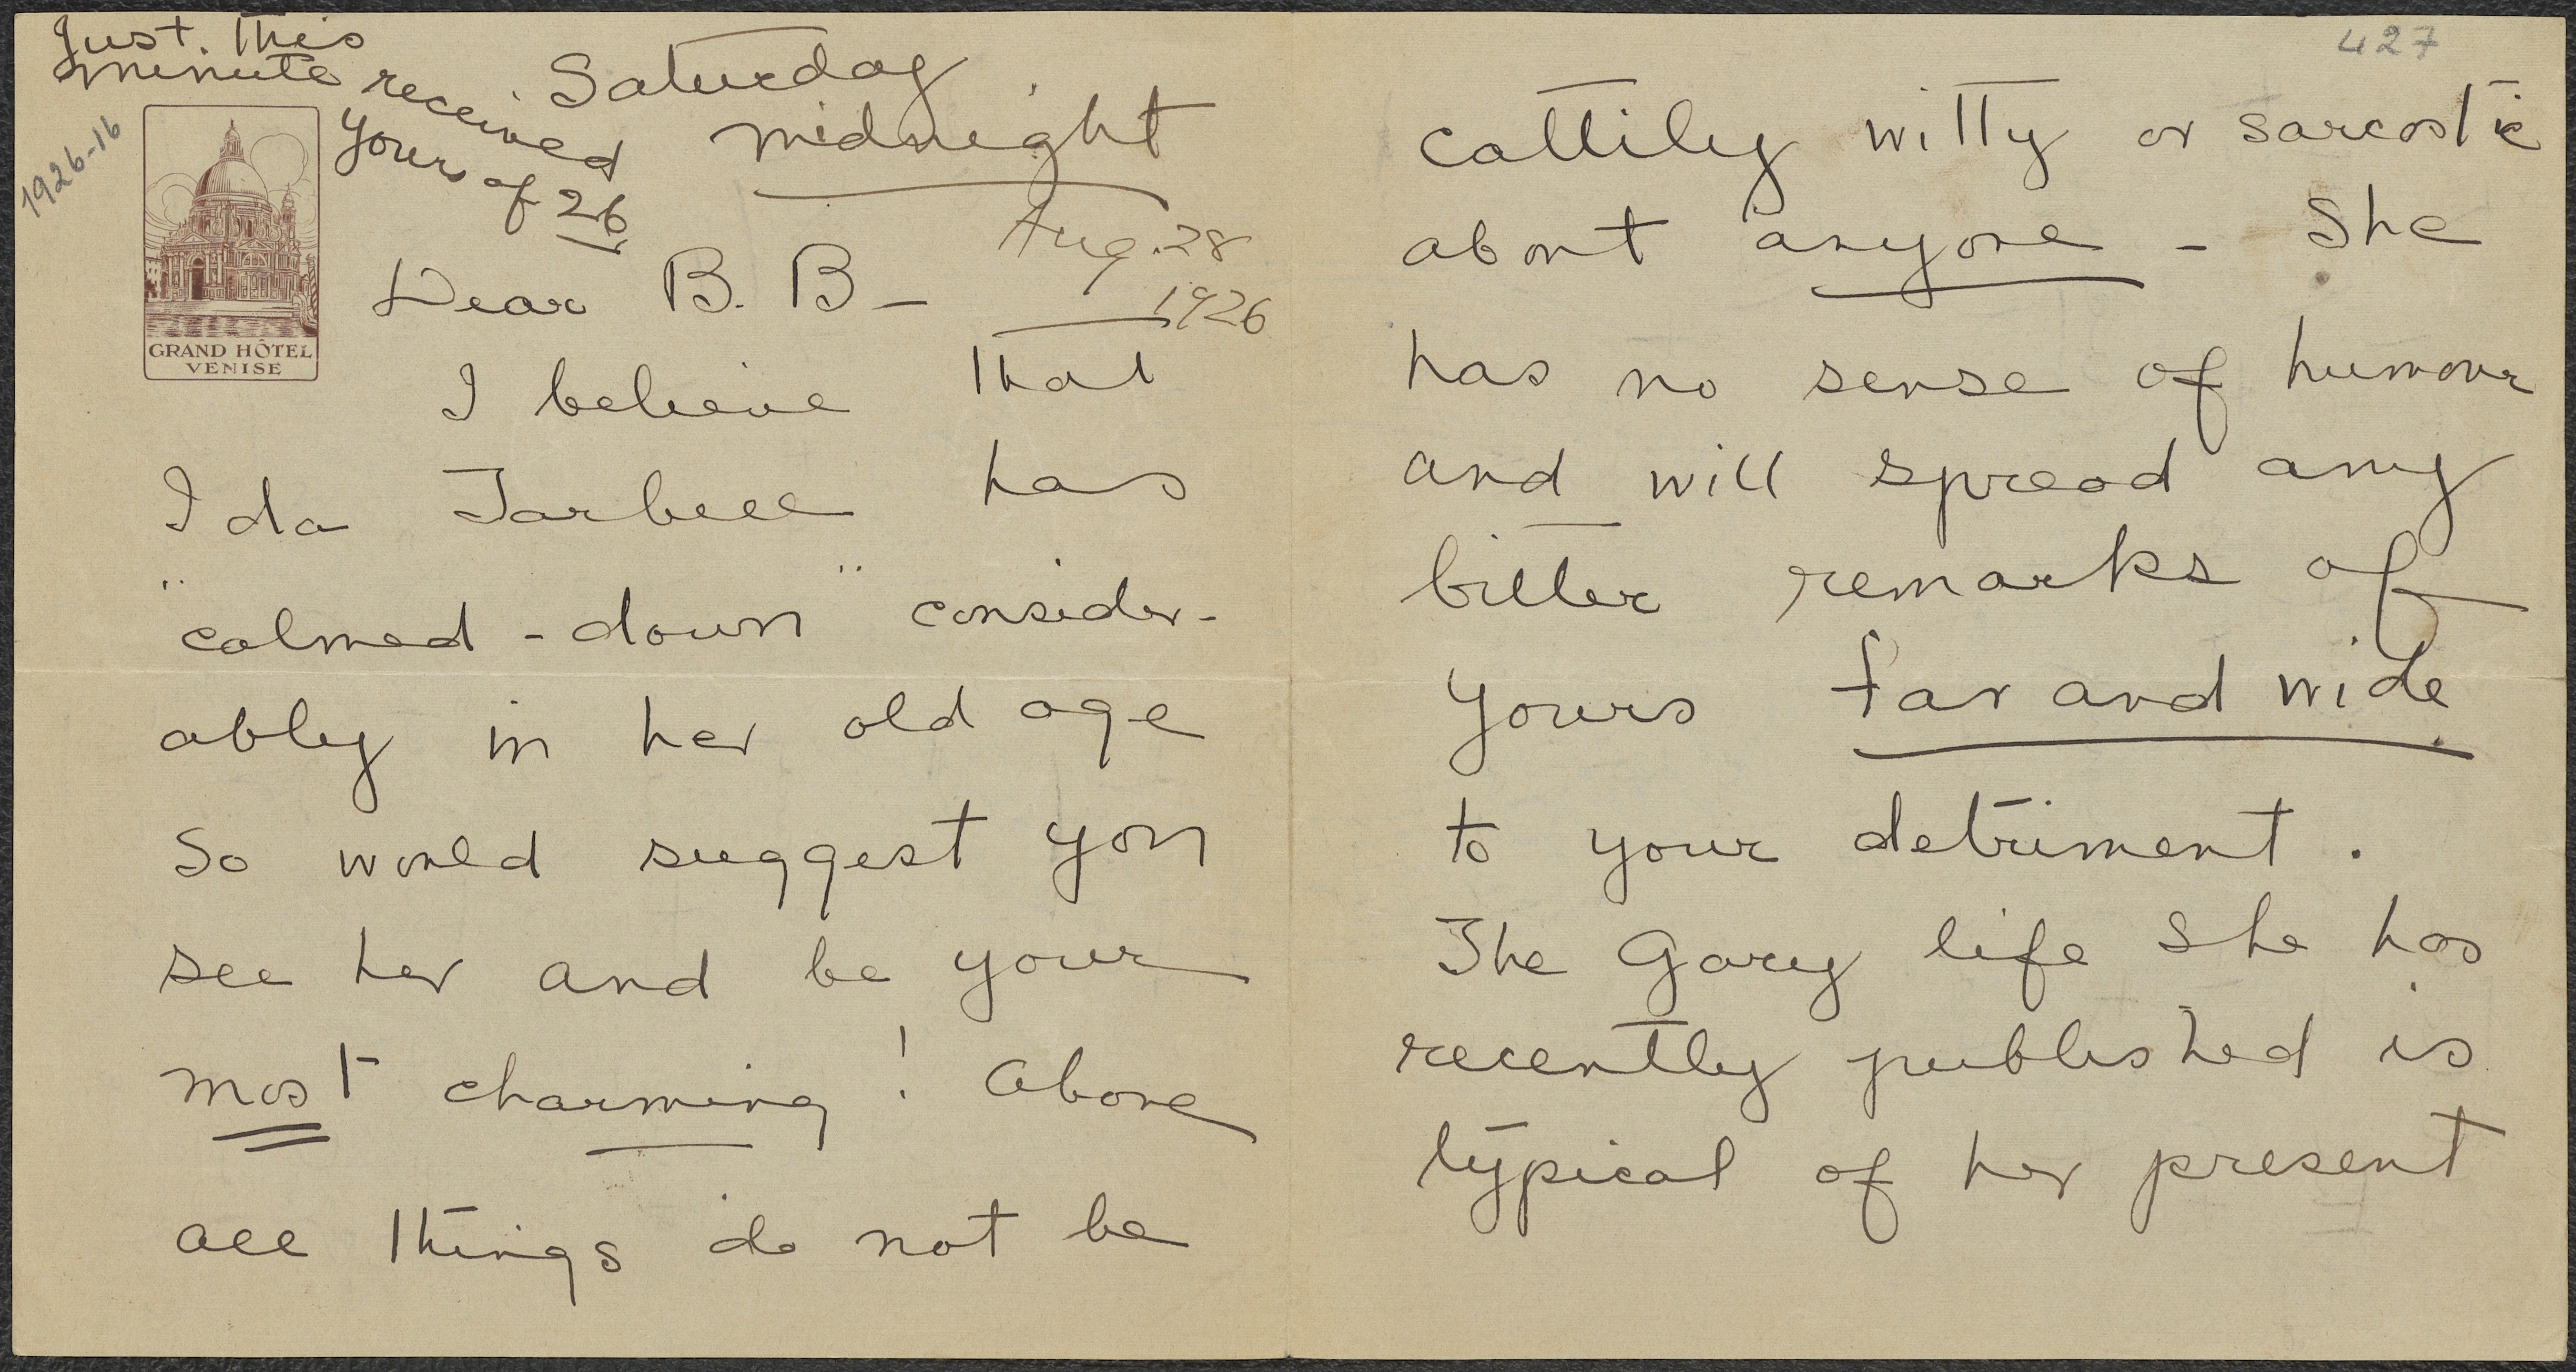[In the top margin: Just this minute received yours of 26]
Saturday midnight
Dear B.B –
I believe that Ida Tarbell has “calmed-down” considerably in her old age so would suggest you see her and be your [underlined twice: most] charming! Above all things do not be
cattily witty or sarcastic about anyone – She has no sense of humour and will spread any bitter remarks of yours far and wide to your detriment.
The Gary life she has recently published is typical of her present